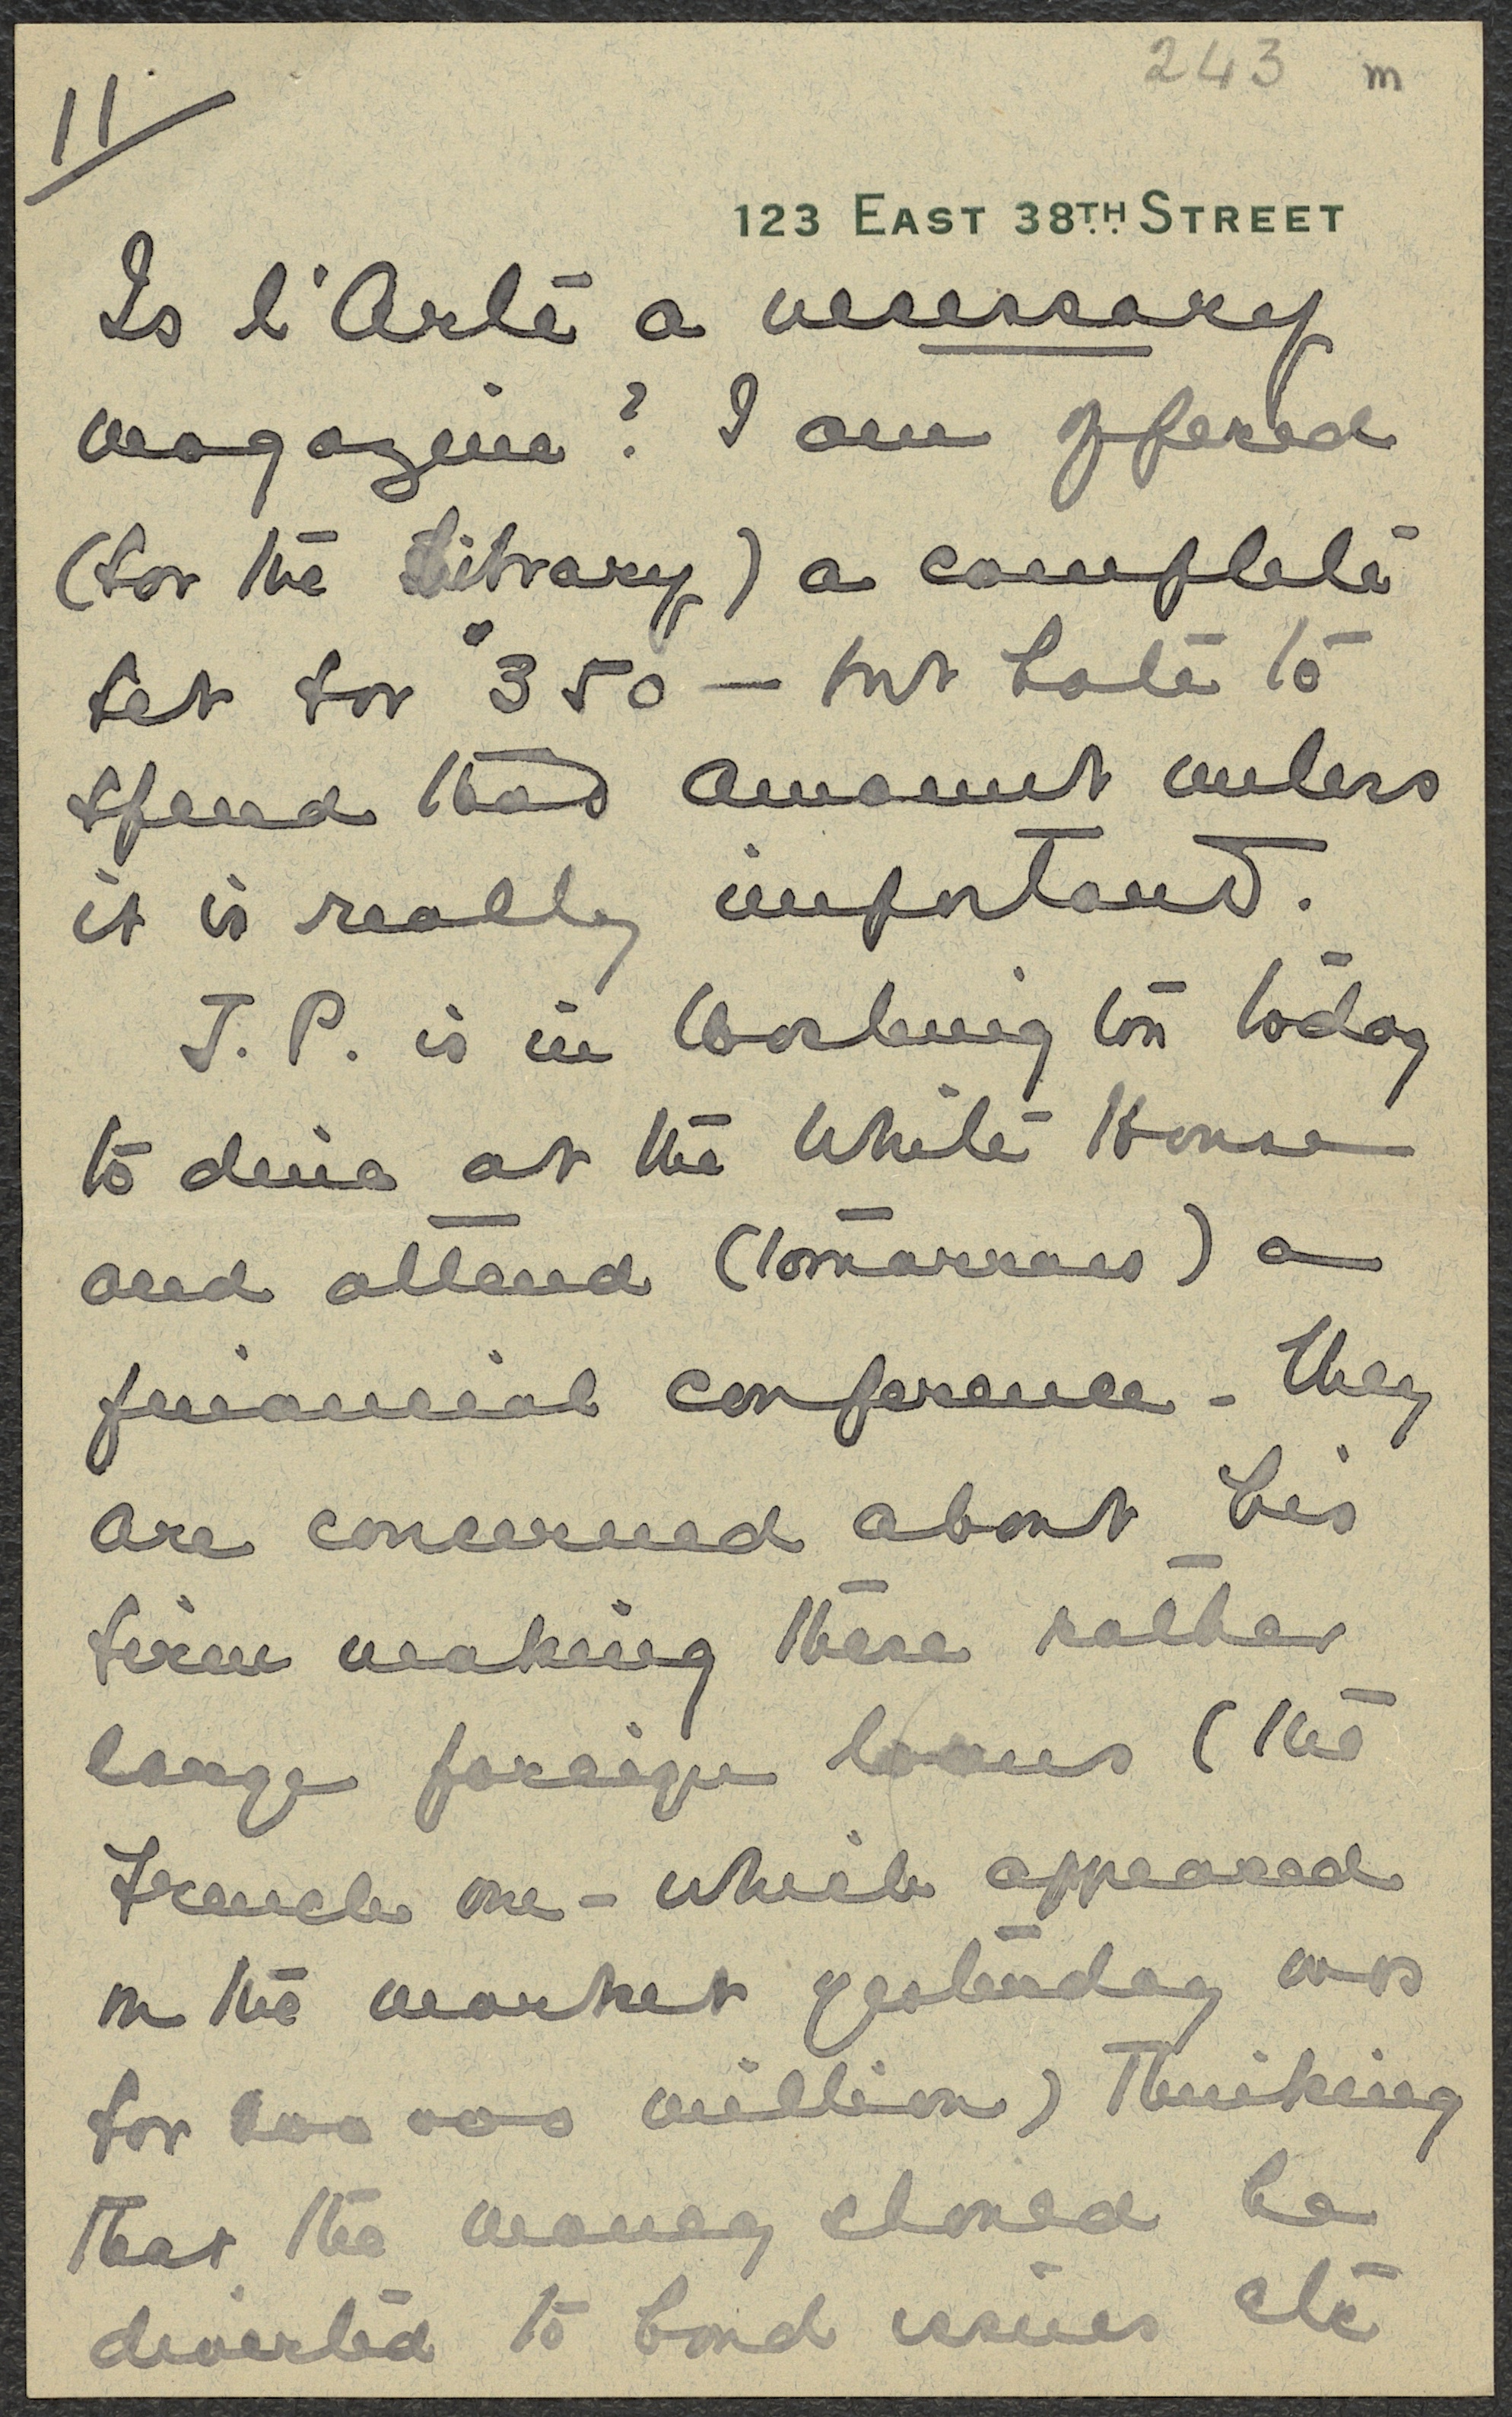11/
Is l’Arte a necessary magazine? I am offered (for the Library) a complete set for $350 – but hate to spend that amount unless it is really important.
J. P. is in Washington today to dine at the White House and attend (tomorrow) a financial conference – They are concerned about his firm making these rather large foreign loans (the French one – which appeared on the market yesterday was for 200,000 million) Thinking that the money should be diverted to bond issues etc.